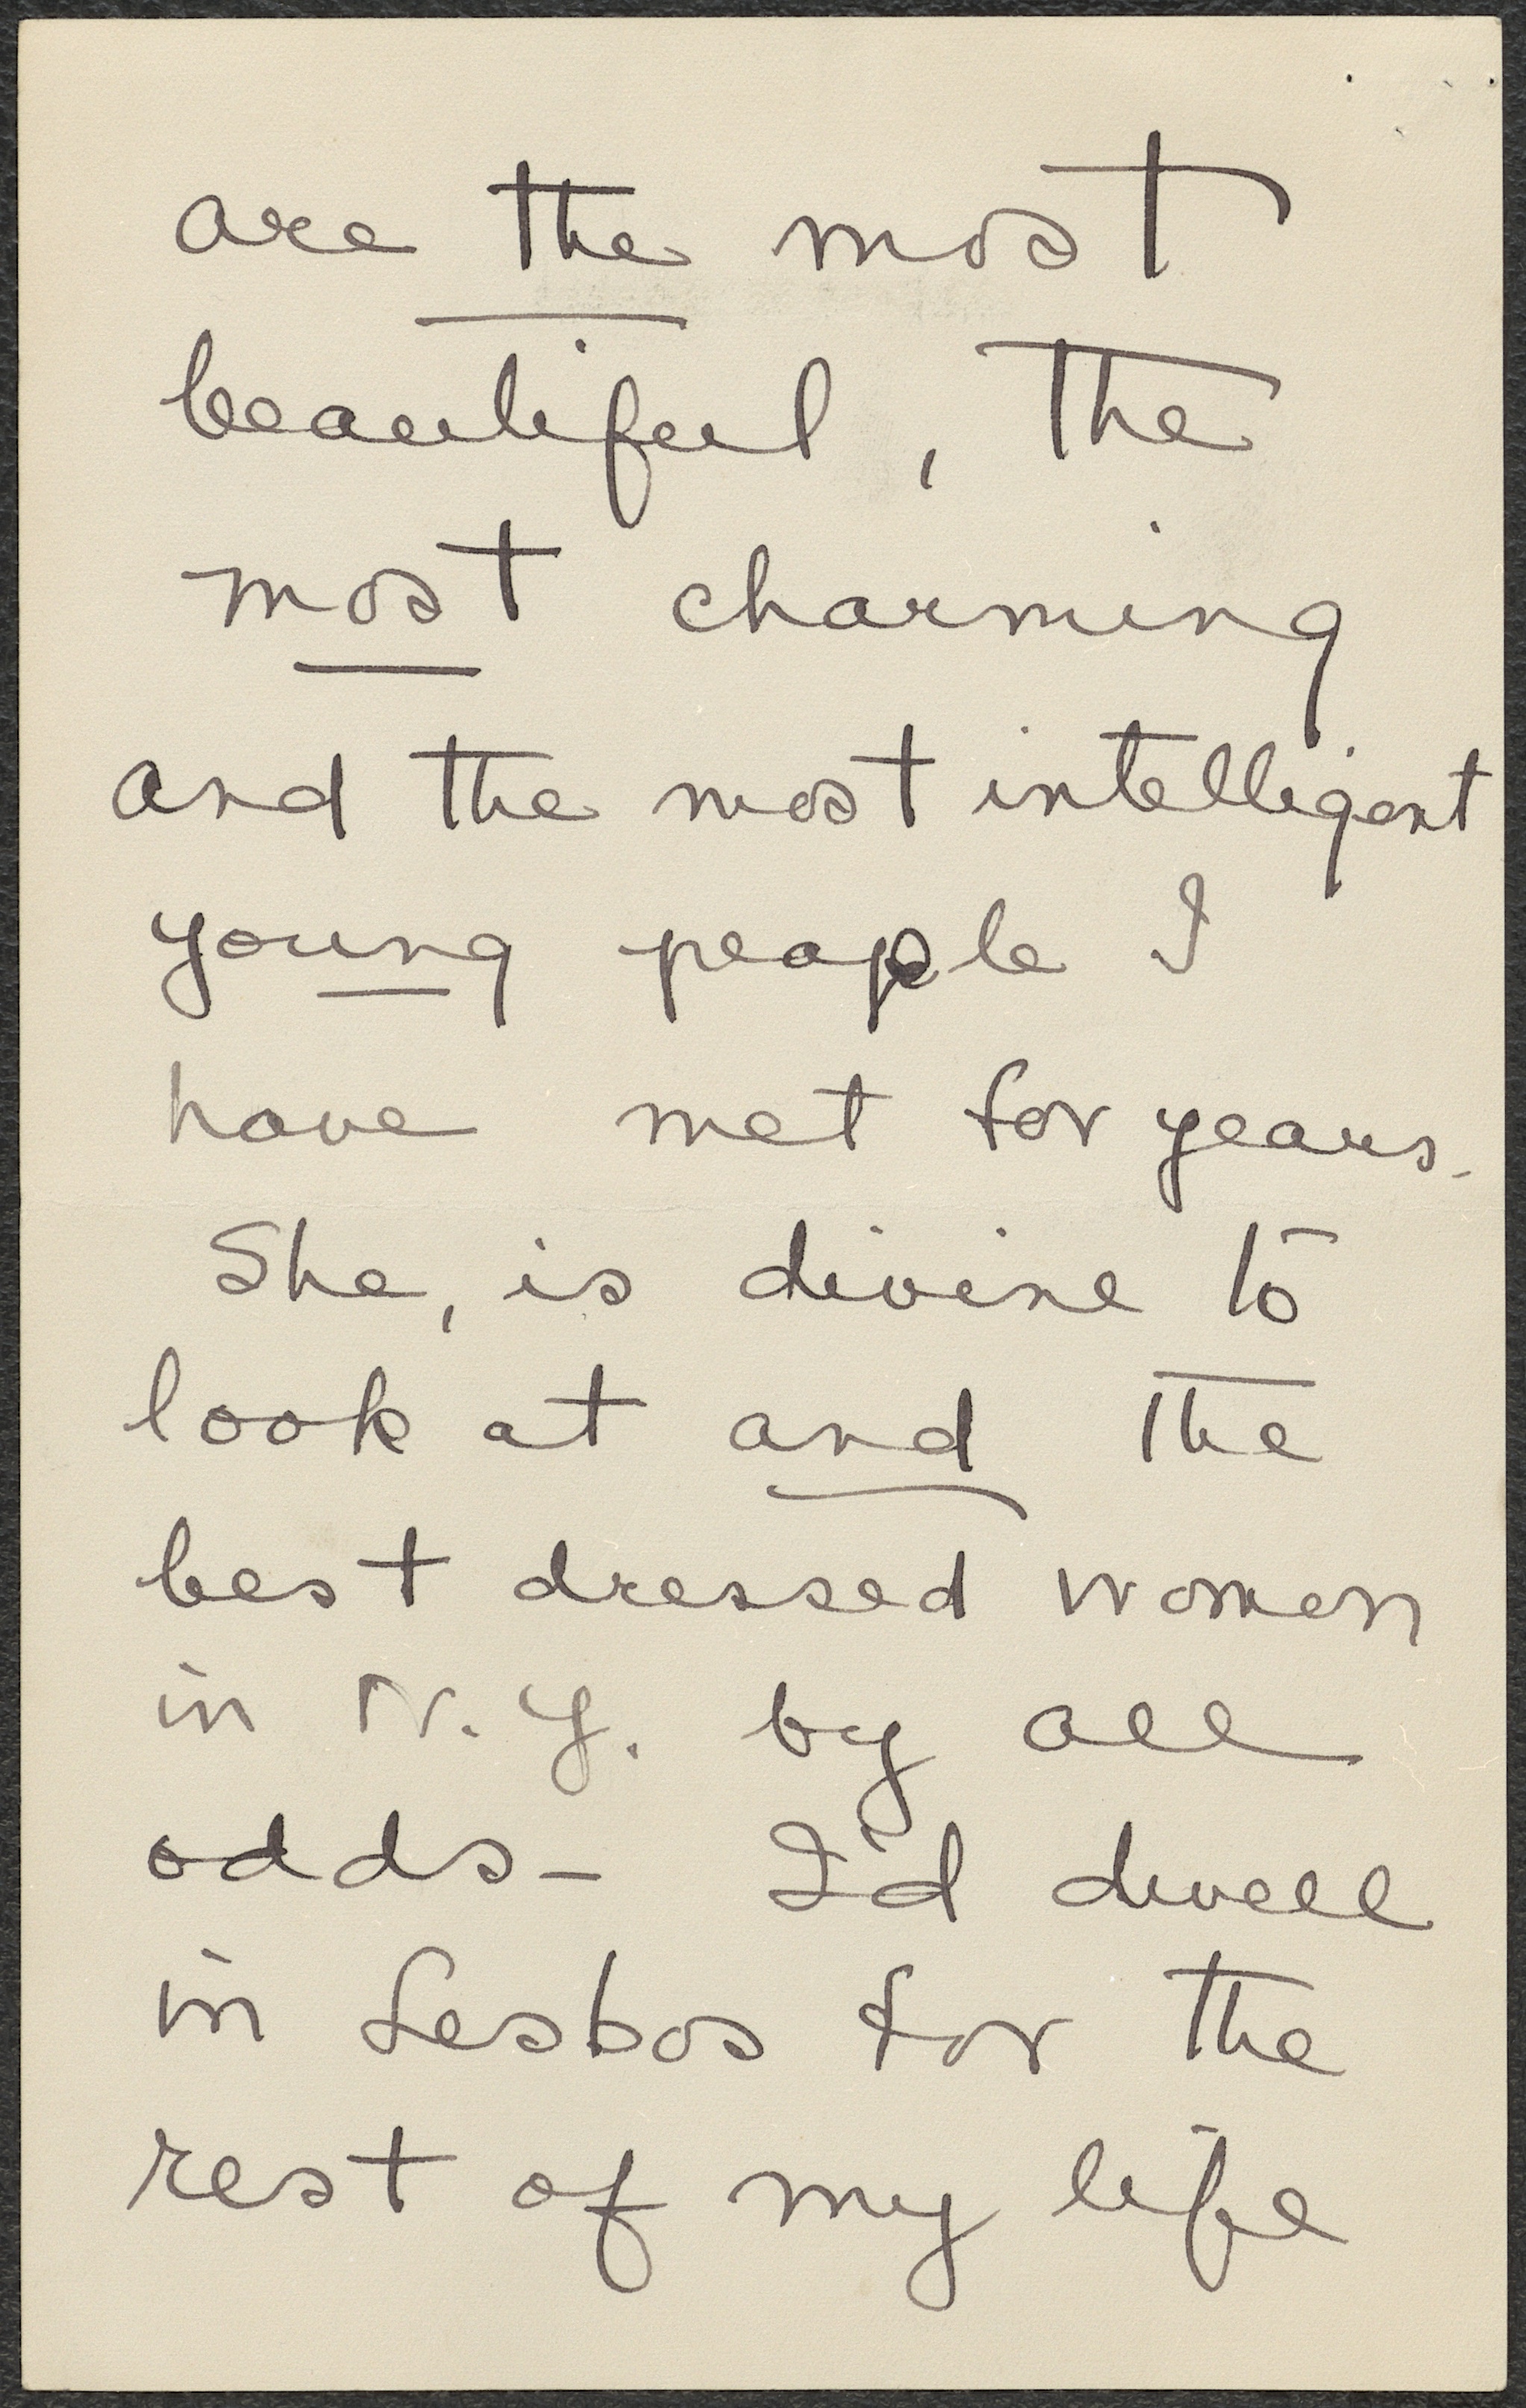are the most beautiful, the most charming and the most intelligent young people I have met for years. She, is divine to look at and the best dressed women [sic] in N.Y. by all odds – I’d dwell in Lesbos for the rest of my life